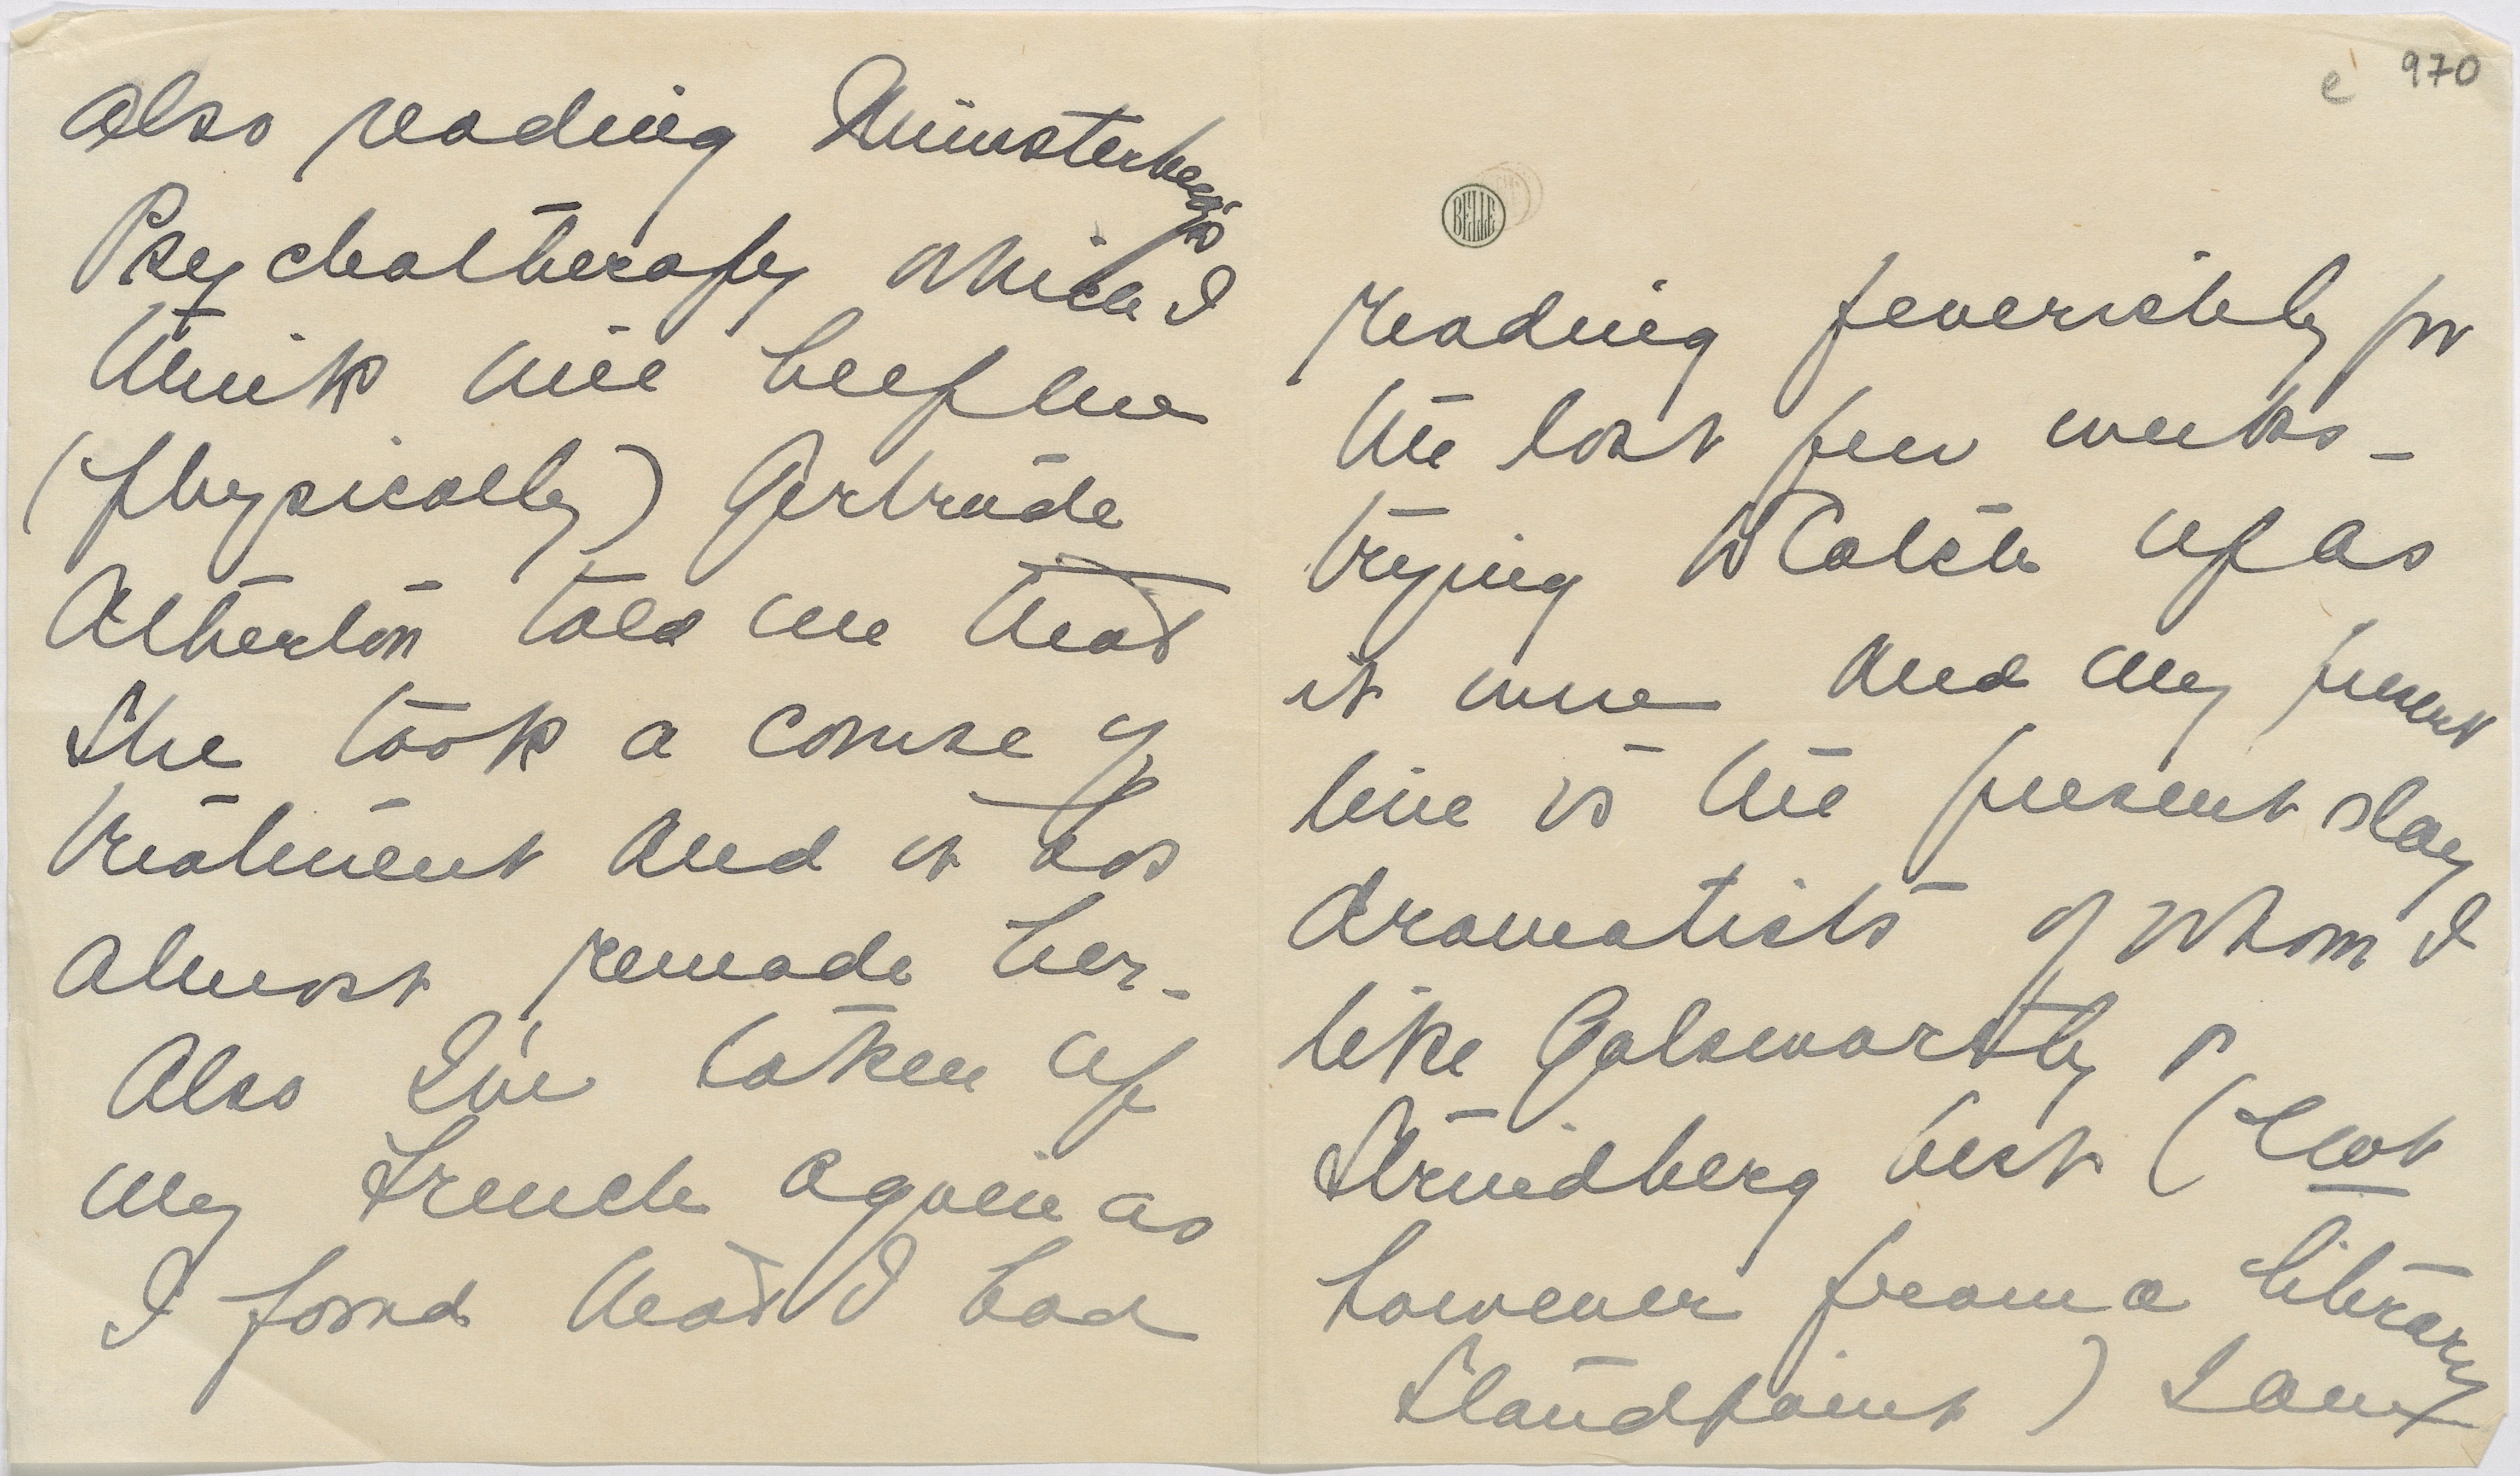reading feverishly for the last few weeks – trying to catch up as it were and my present line is the present play dramatists of whom I like Galsworthy & Strindberg best (Not however from a literary standpoint) I am
also reading Minsterberg’s [sic] Psychotherapy which I think will help me (physically) Gertrude Atherton told me that she took a course of treatment and it has almost remade her –
Also I’ve taken up my French again as I found that I had